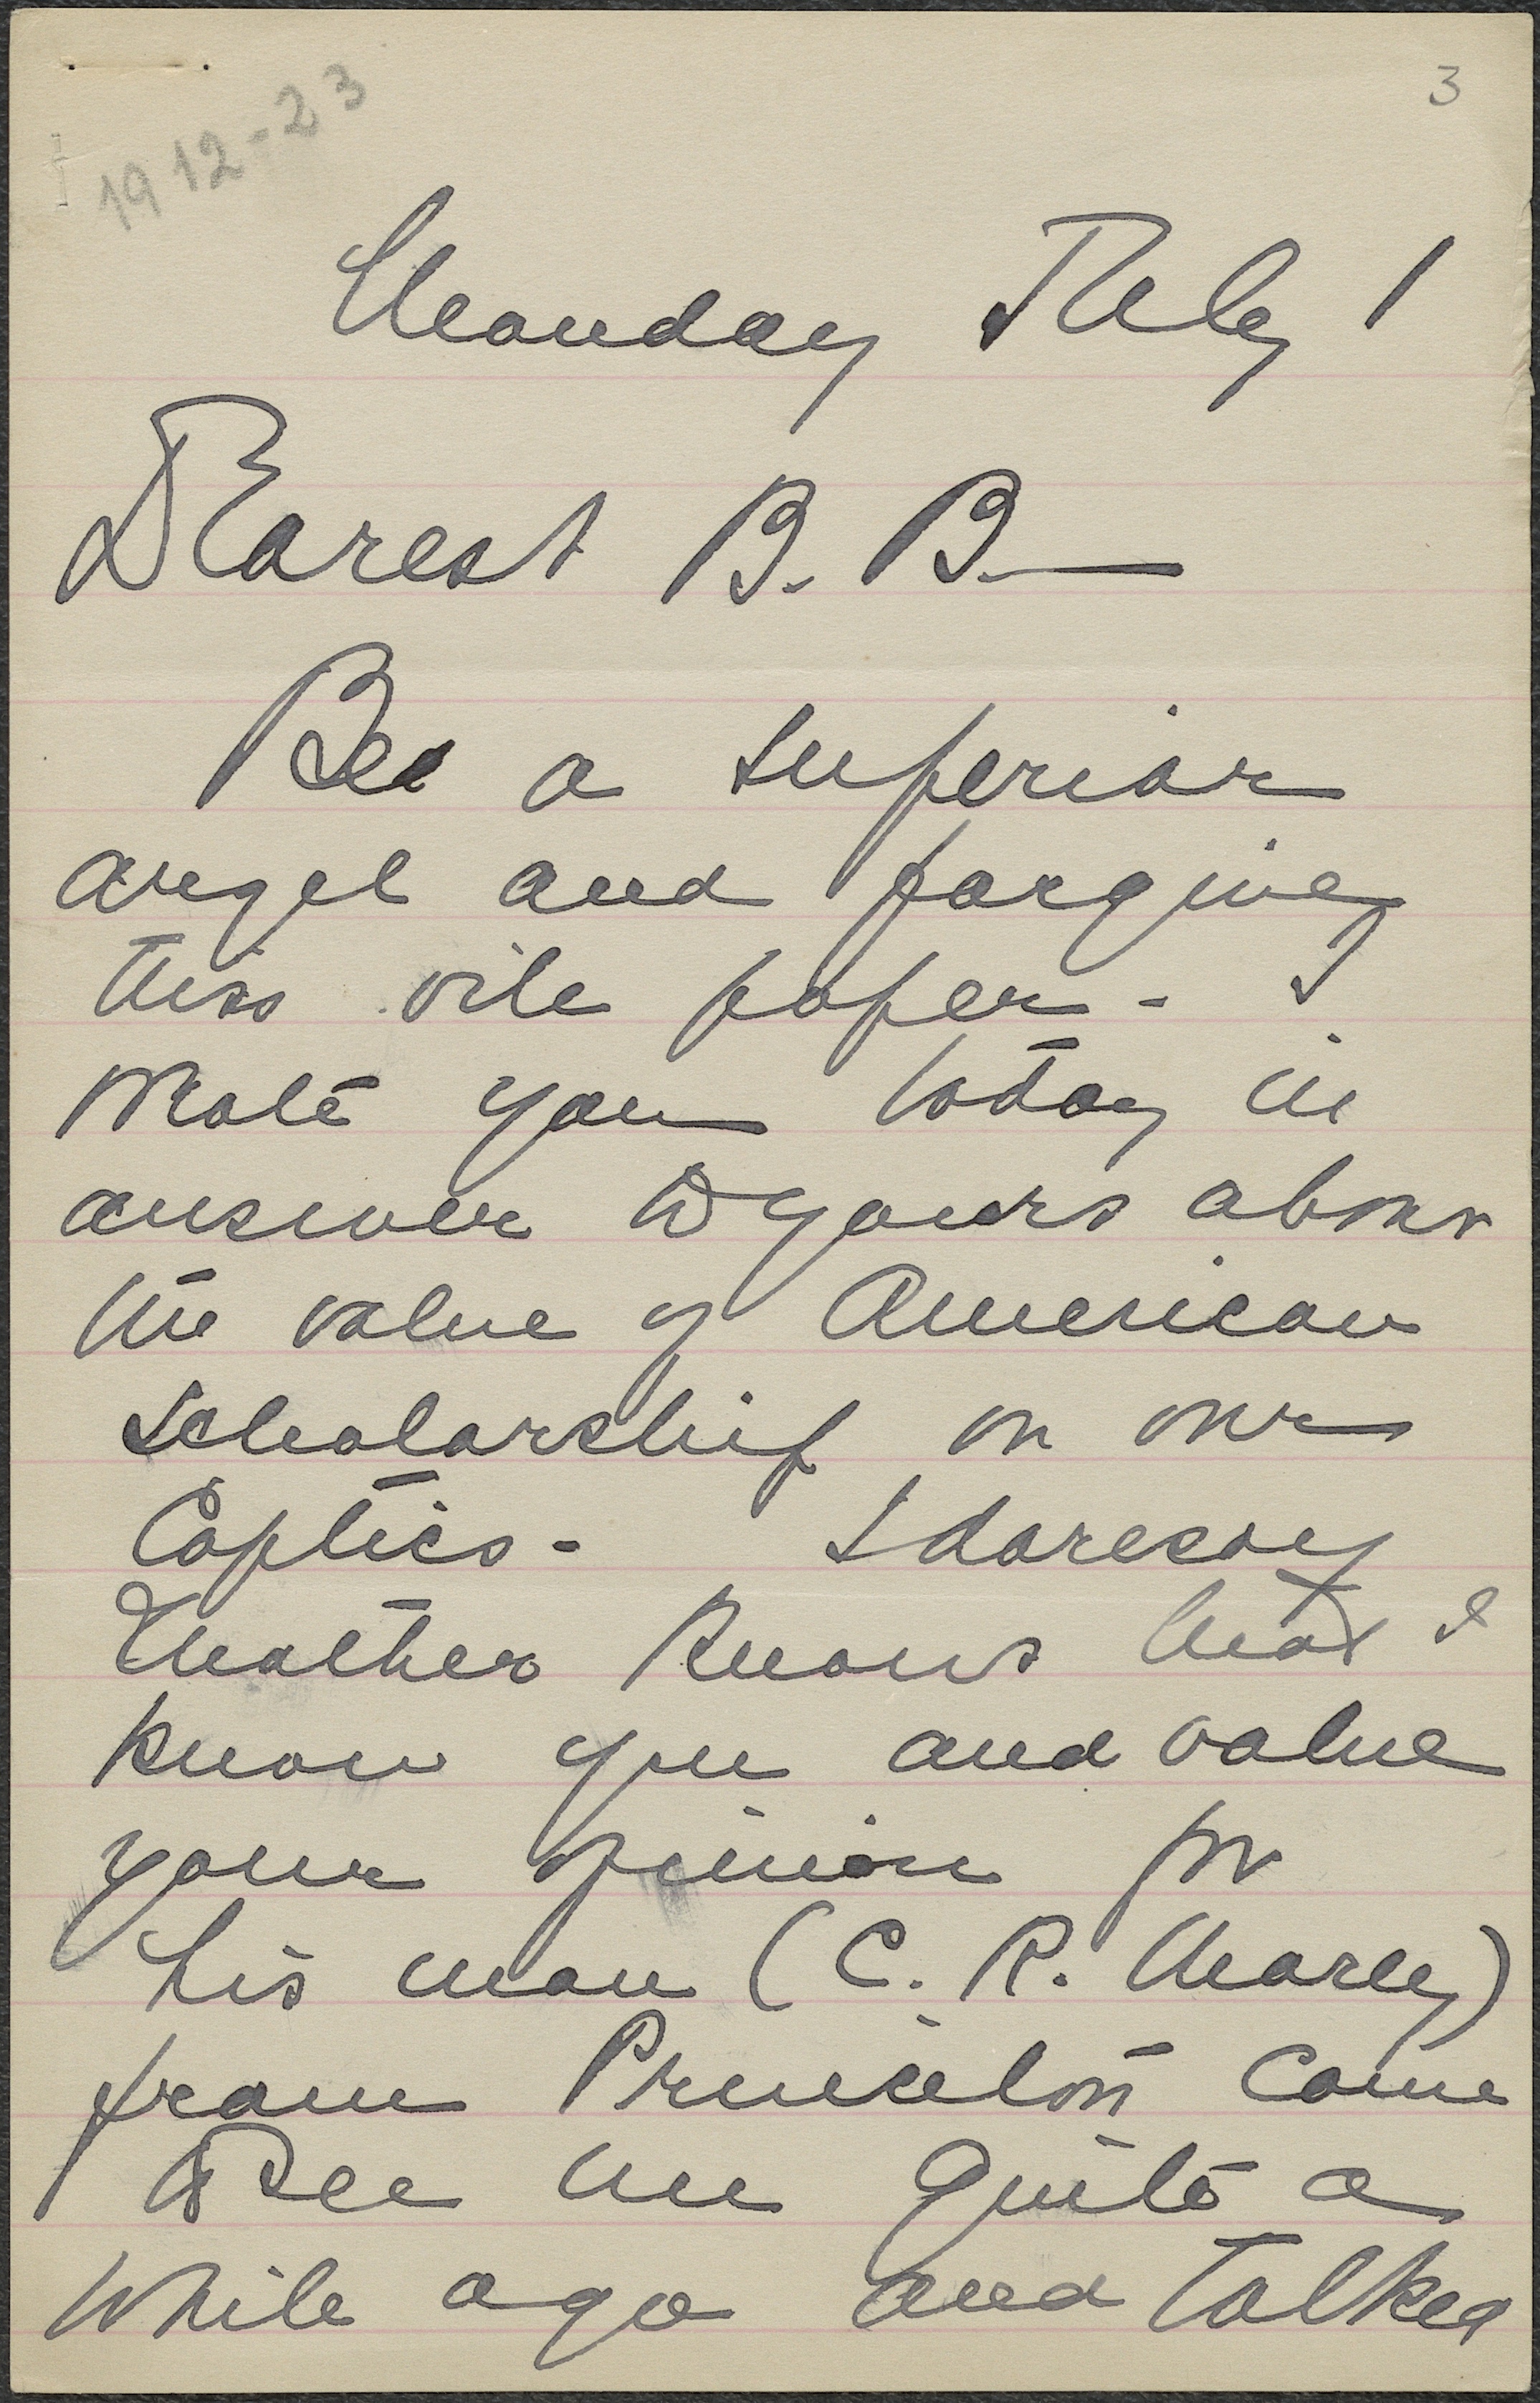Monday July 1
Dearest B. B –
Be a superior angel and forgive this vile paper – I wrote you today in answer to yours about the value of American scholarship on our Coptics – I daresay Mather knows that I know you and value your opinion for his man (C. R. Morey) from Princeton came to see me quite a while ago and talked